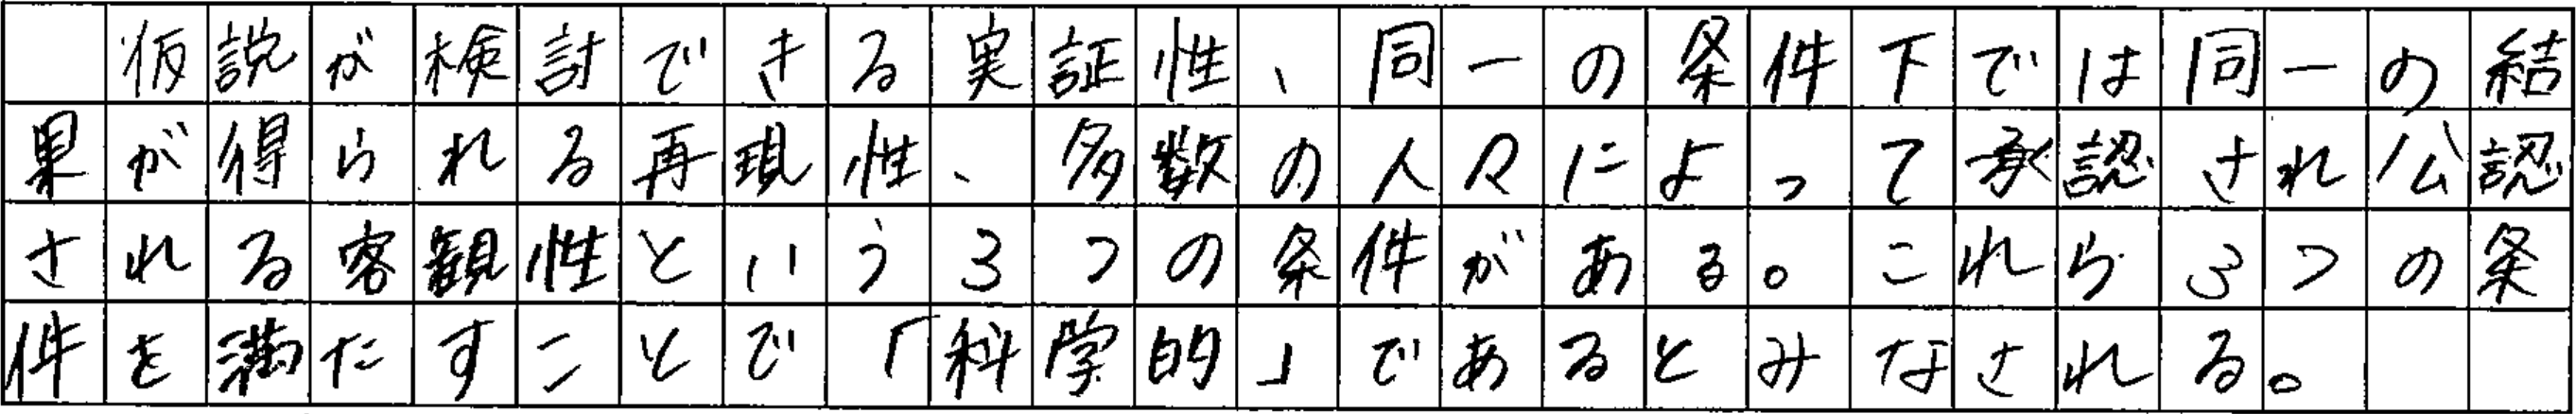　仮説が検討できる実証性、同一の条件下では同一の結果が得られる再現性、多数の人々によって承認され公認される客観性という３つの条件がある。これら３つの条件を満たすことで「科学的」であるとみなされる。
